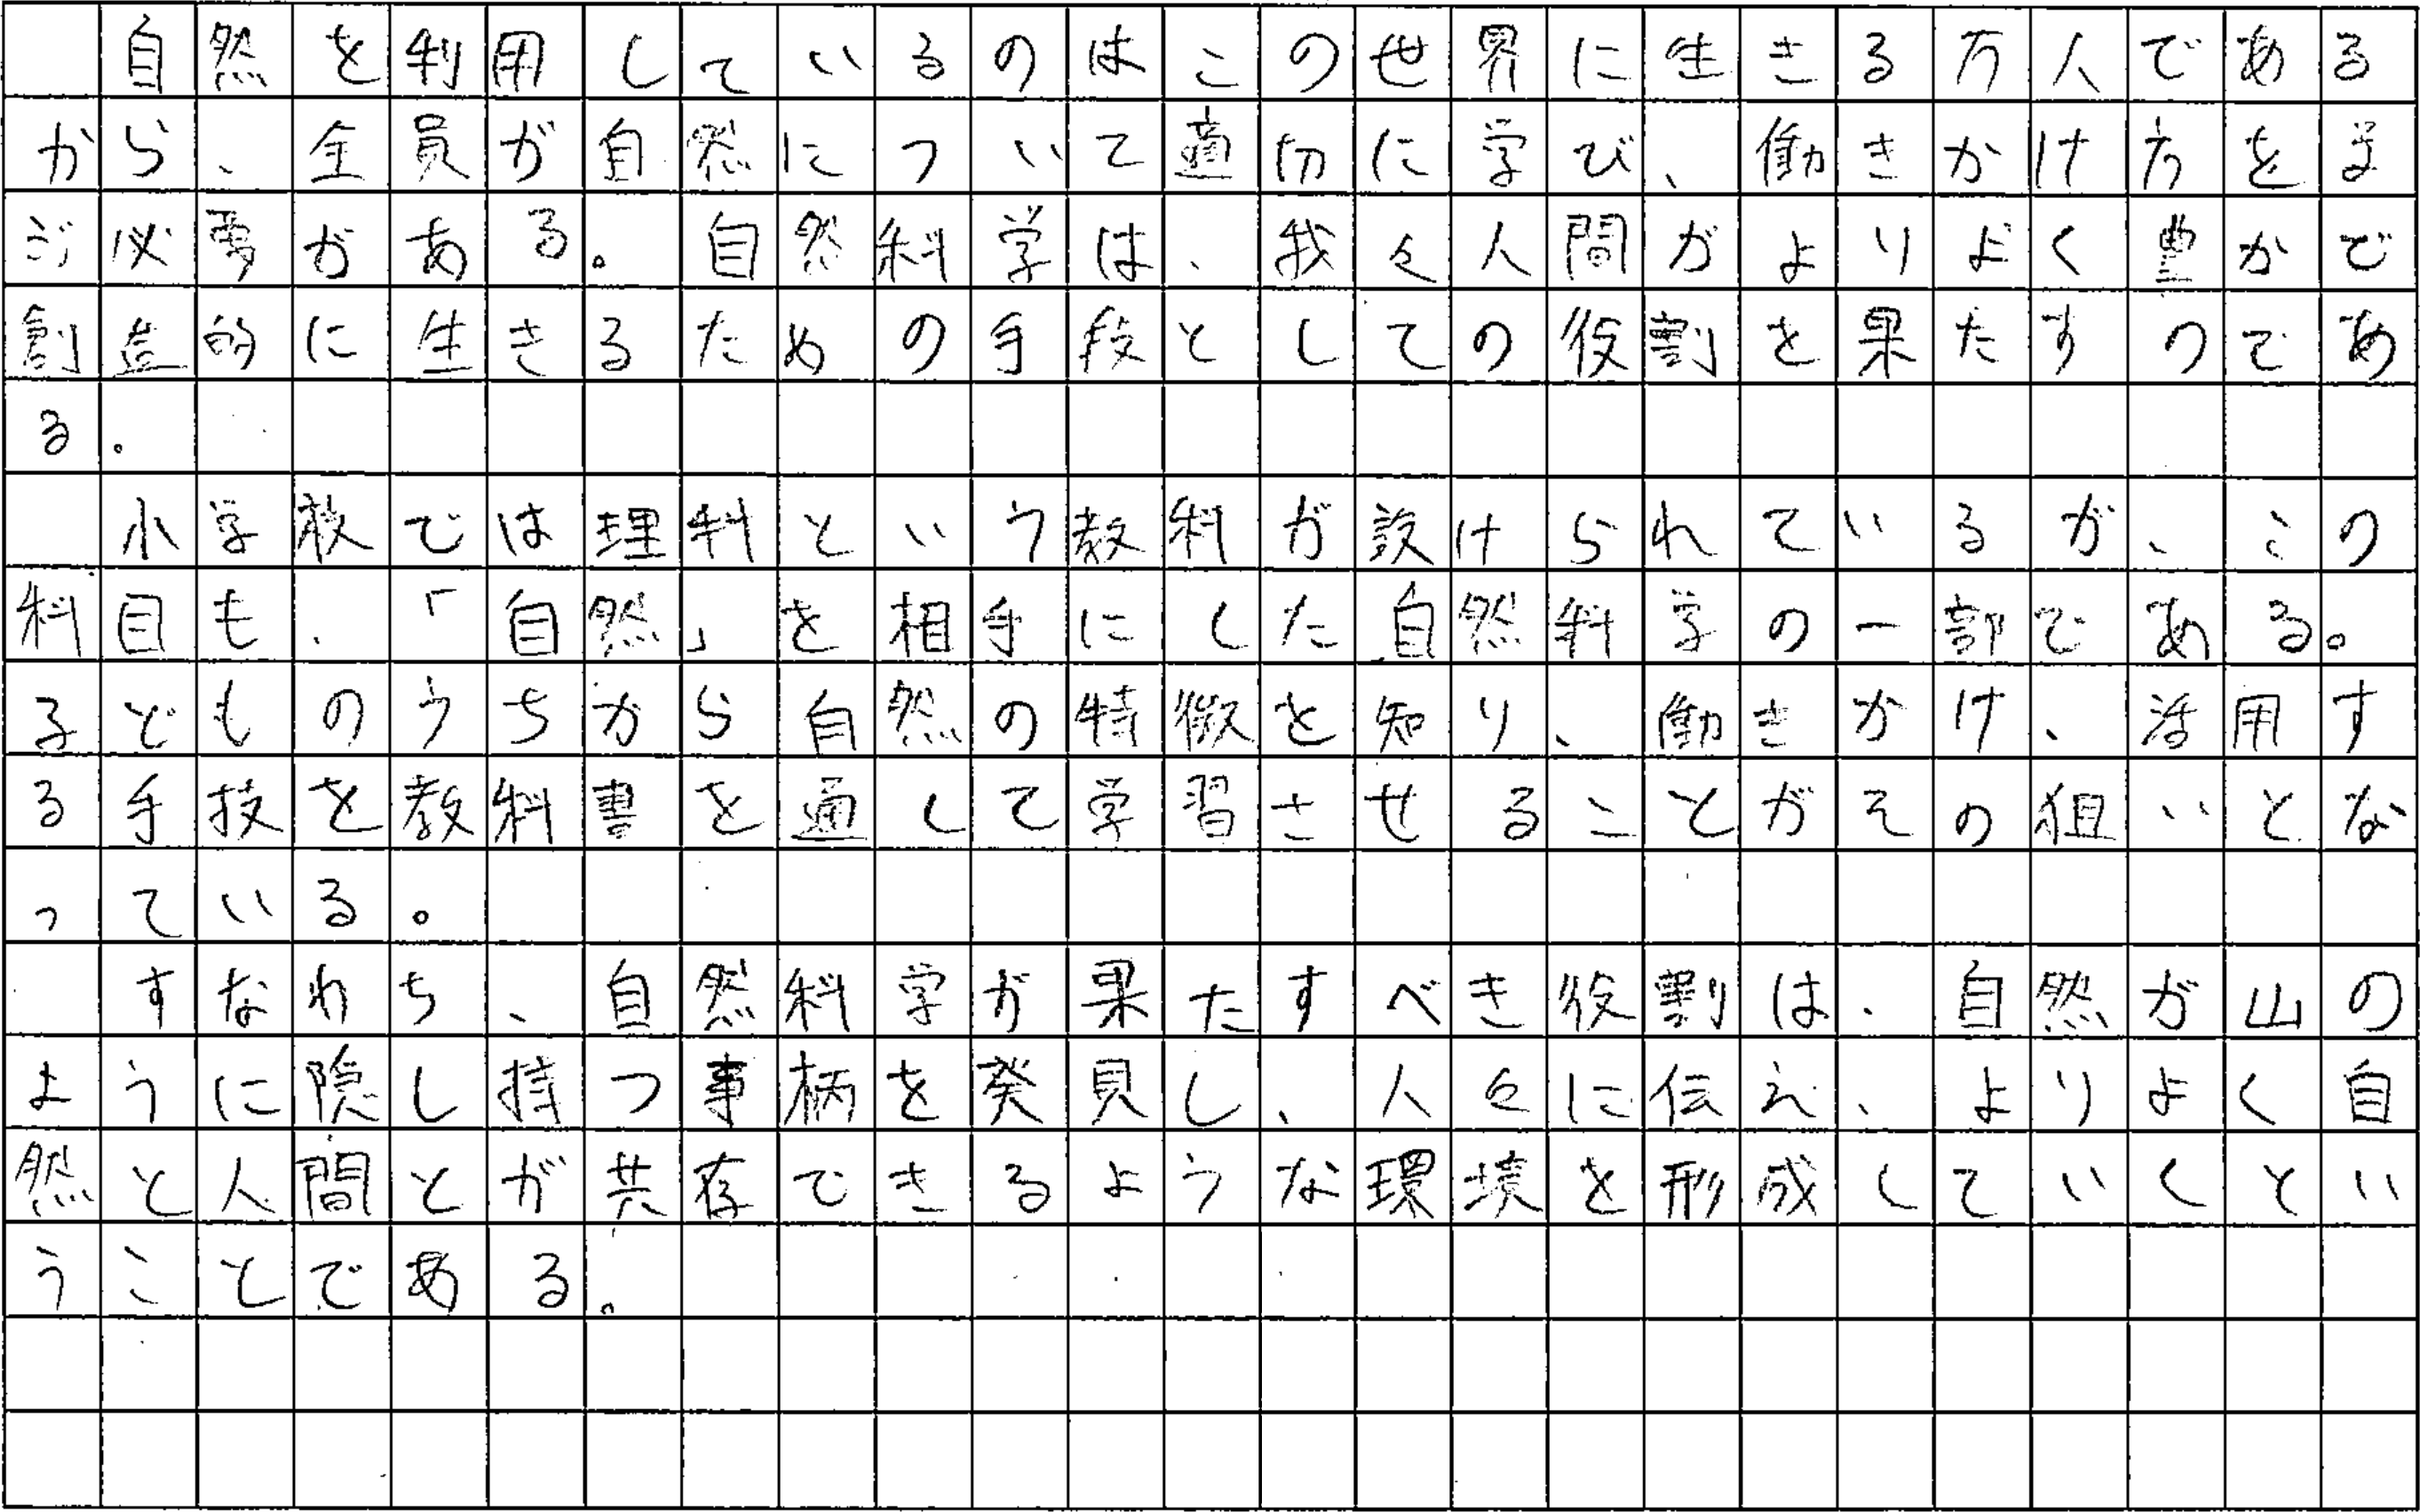　自然を利用しているのはこの世界に生きる万人であるから、全員が自然について適切に学び、働き方を学ぶ必要がある。自然科学は、我々人間がよりよく豊かで創造的に生きるための手段としての役割を果たすのである。
　小学校では理科という教科が設けられているが、この科目も、「自然」を相手にした自然科学の一部である。子どものうちから自然の特徴を知り、働きかけ、活用する手技を教科書を通して学習させることがその狙いとなっている。
　すなわち、自然科学が果たすべき役割は、自然が山のように隠し持つ事柄を発見し、人々に伝え、よりよく自然と人間が共存できるような環境を形成していくということである。
